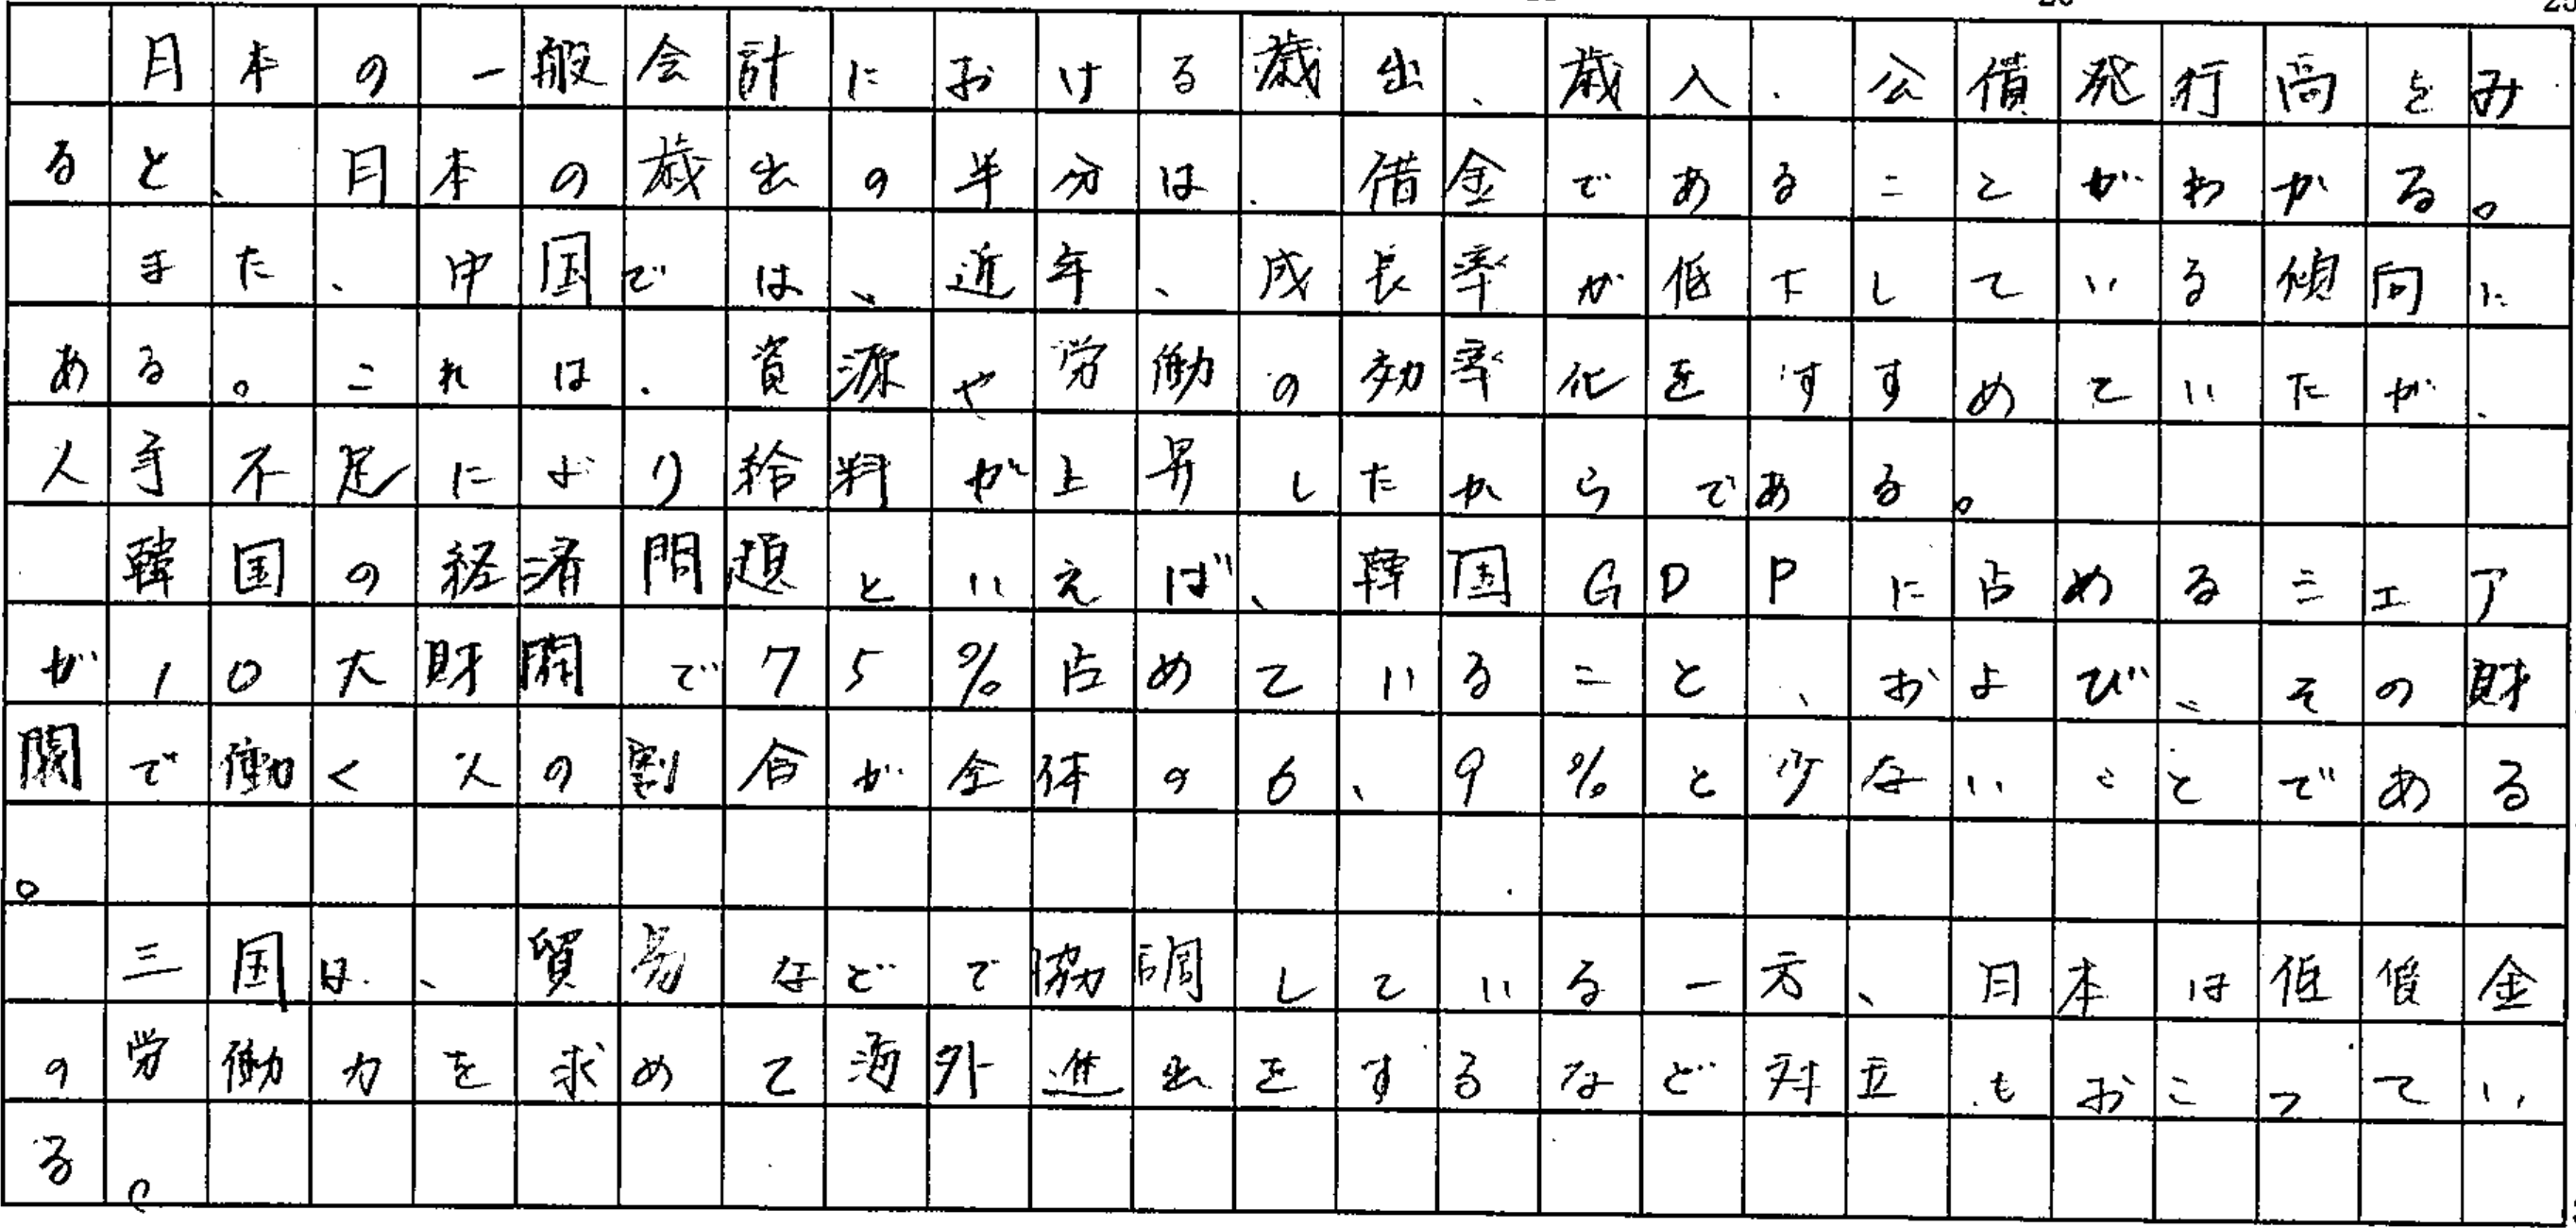　日本の一般会計における歳出、歳入、公債発行高をみると、日本の歳出の半分は、借金であることがわかる。
　また、中国では、近年、成長率が低下している傾向にある。これは、資源や労働の効率化をすすめていたが、人手不足により給料が上昇したからである。
　韓国の経済問題といえば、韓国ＧＤＰに占めるシェアが１０大財閥で７５％占めていること、および、その財閥で働く人の割合が全体の６．９％と少ないことである。
　三国は、貿易などで協調している一方、日本は低賃金の労働力を求めて海外進出をするなど対立もおこっている。
